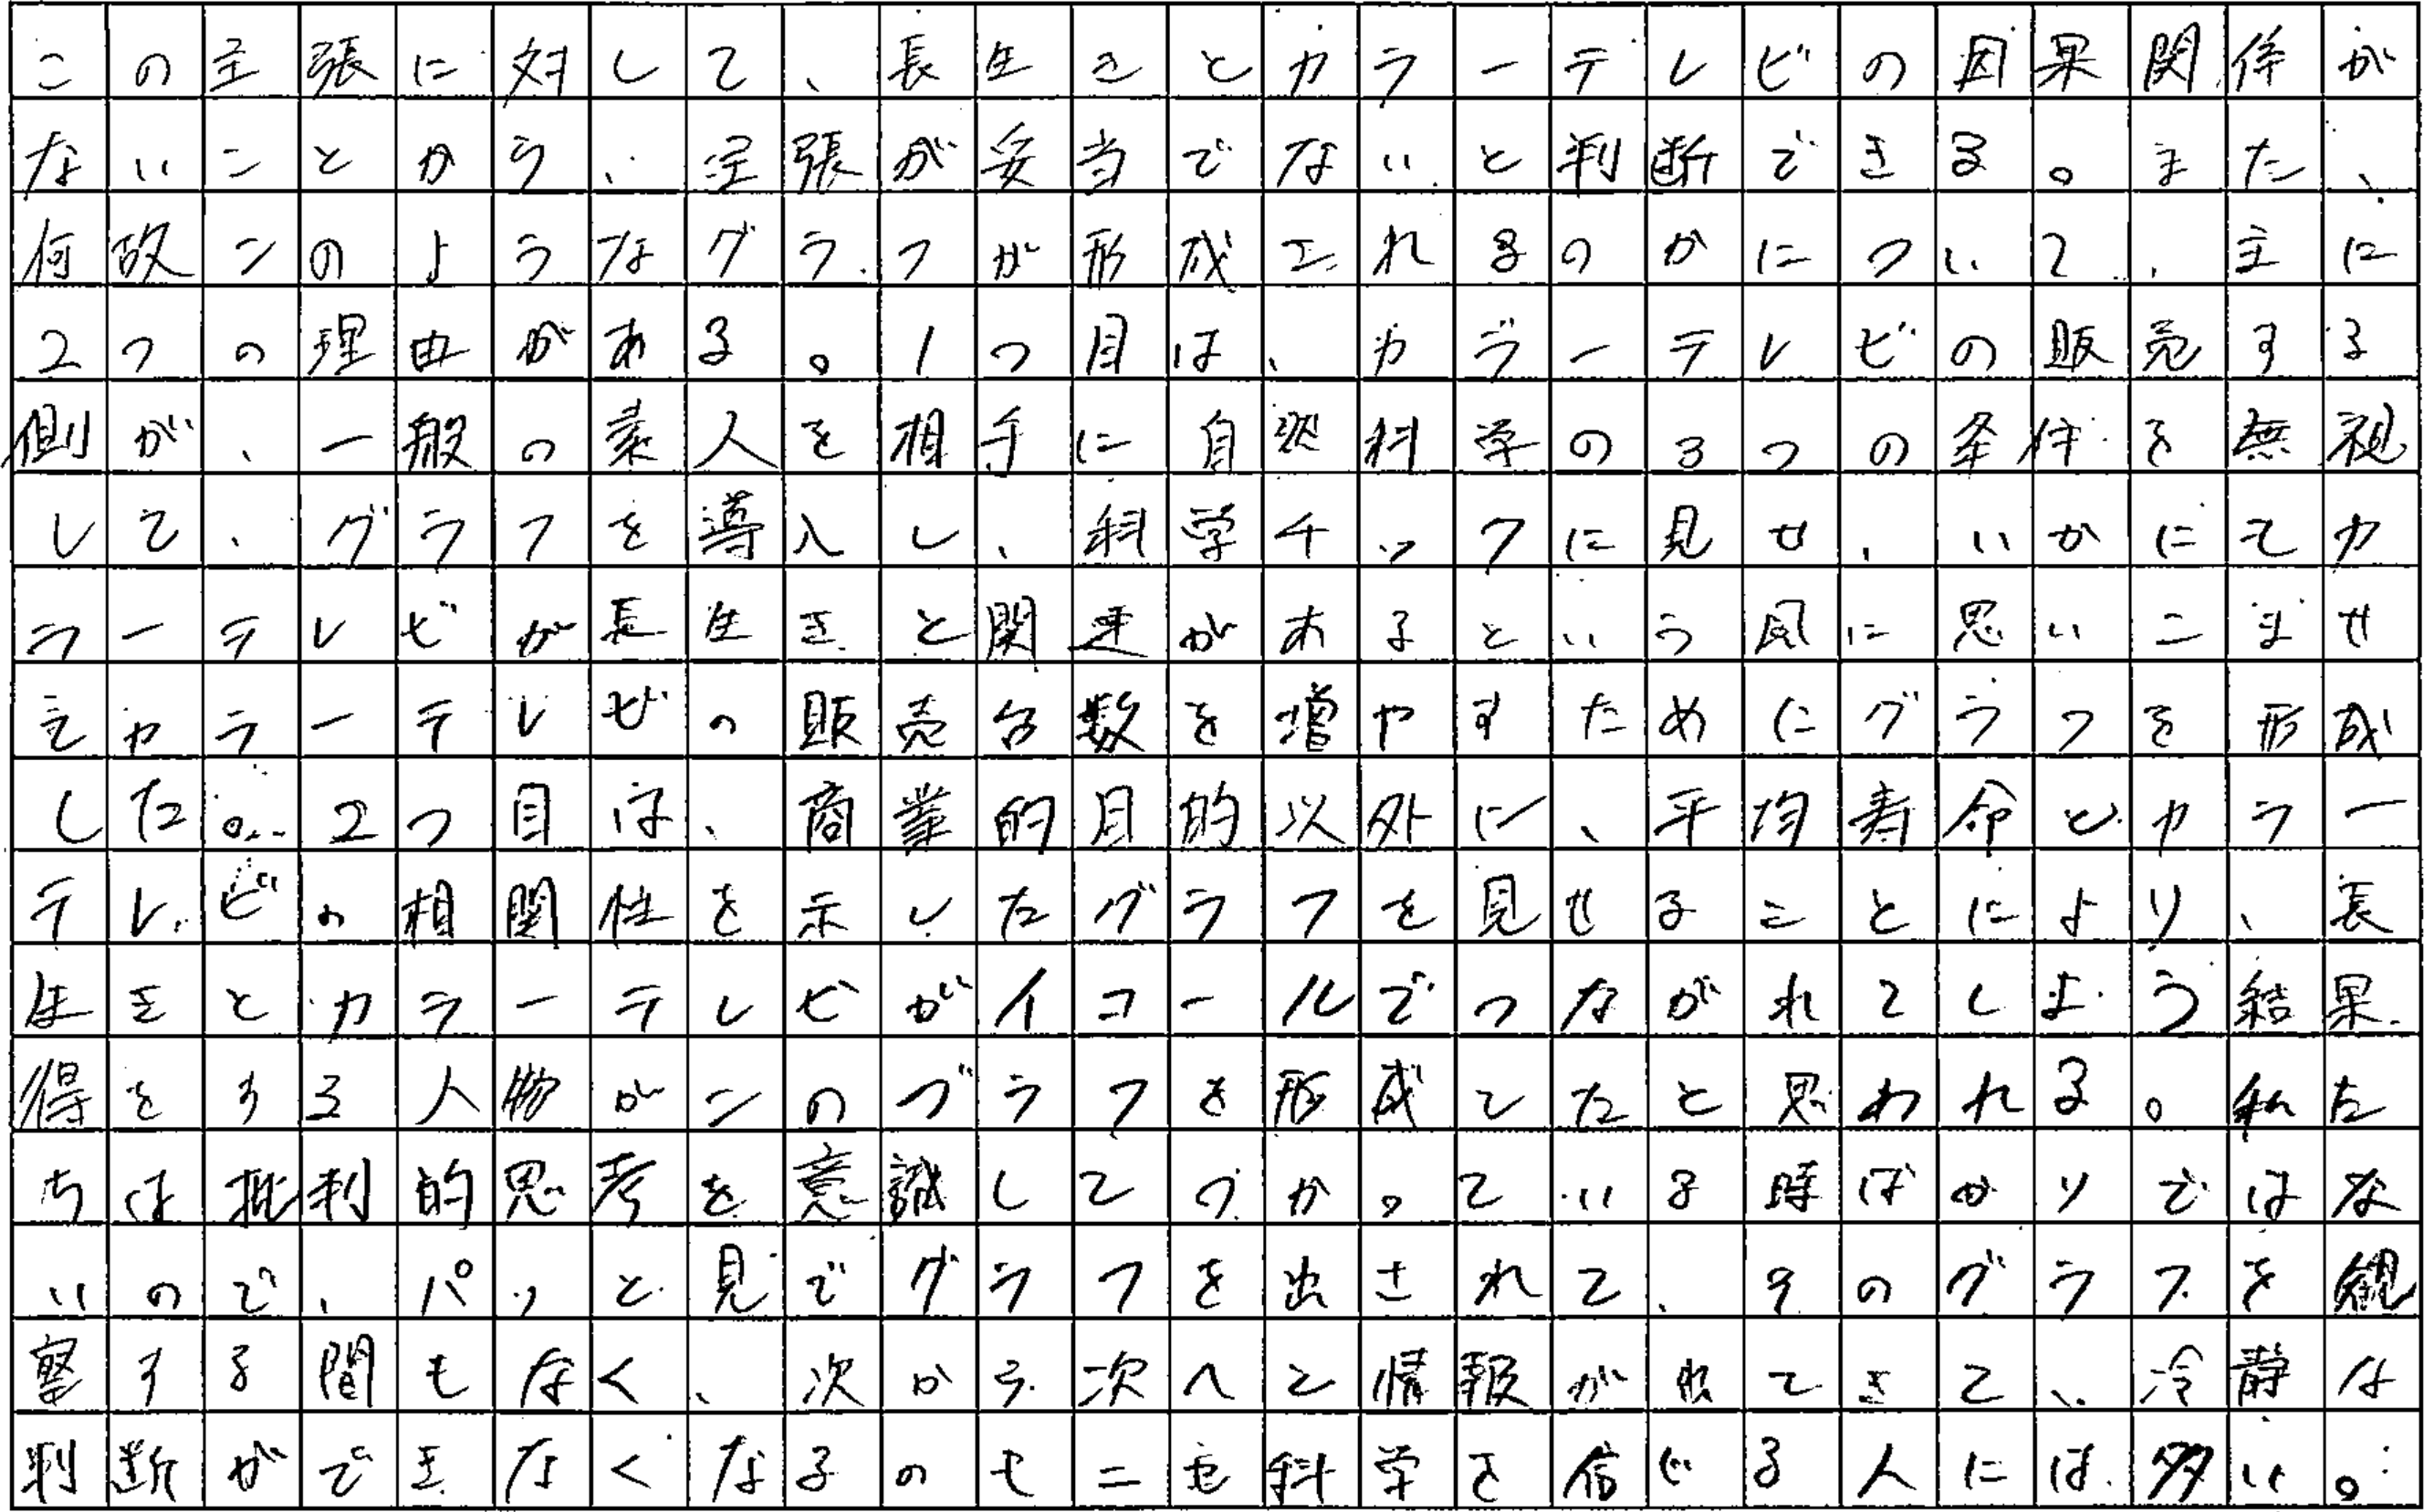この主張に対して、長生きとカラーテレビの因果関係がないことから、主張が妥当でないと判断できる。また、何故このようなグラフが形成されるのかについて、主に２つの理由がある。１つ目は、カラーテレビの販売する側が、一般の素人を相手に自然科学の３つの条件を無視して、グラフを導入し、科学チックに見せ、いかにもカラーテレビが長生きと関連があるという風に思いこませてカラーテレビの販売台数を増やすためにグラフを形成した。２つ目は、商業的目的以外に、平均寿命とカラーテレビの相関性を示したグラフを見せることにより、長生きとカラーテレビがイコールでつながれてしまう結果得をする人物がこのグラフを形成したと思われる。私たちは批判的思考を意識してつかっている時ばかりではないので、パッと見でグラフを出されて、そのグラフを観察する間もなく、次から次へと情報が出てきて、冷静な判断ができなくなるのもニセ科学を信じる人には多い。
